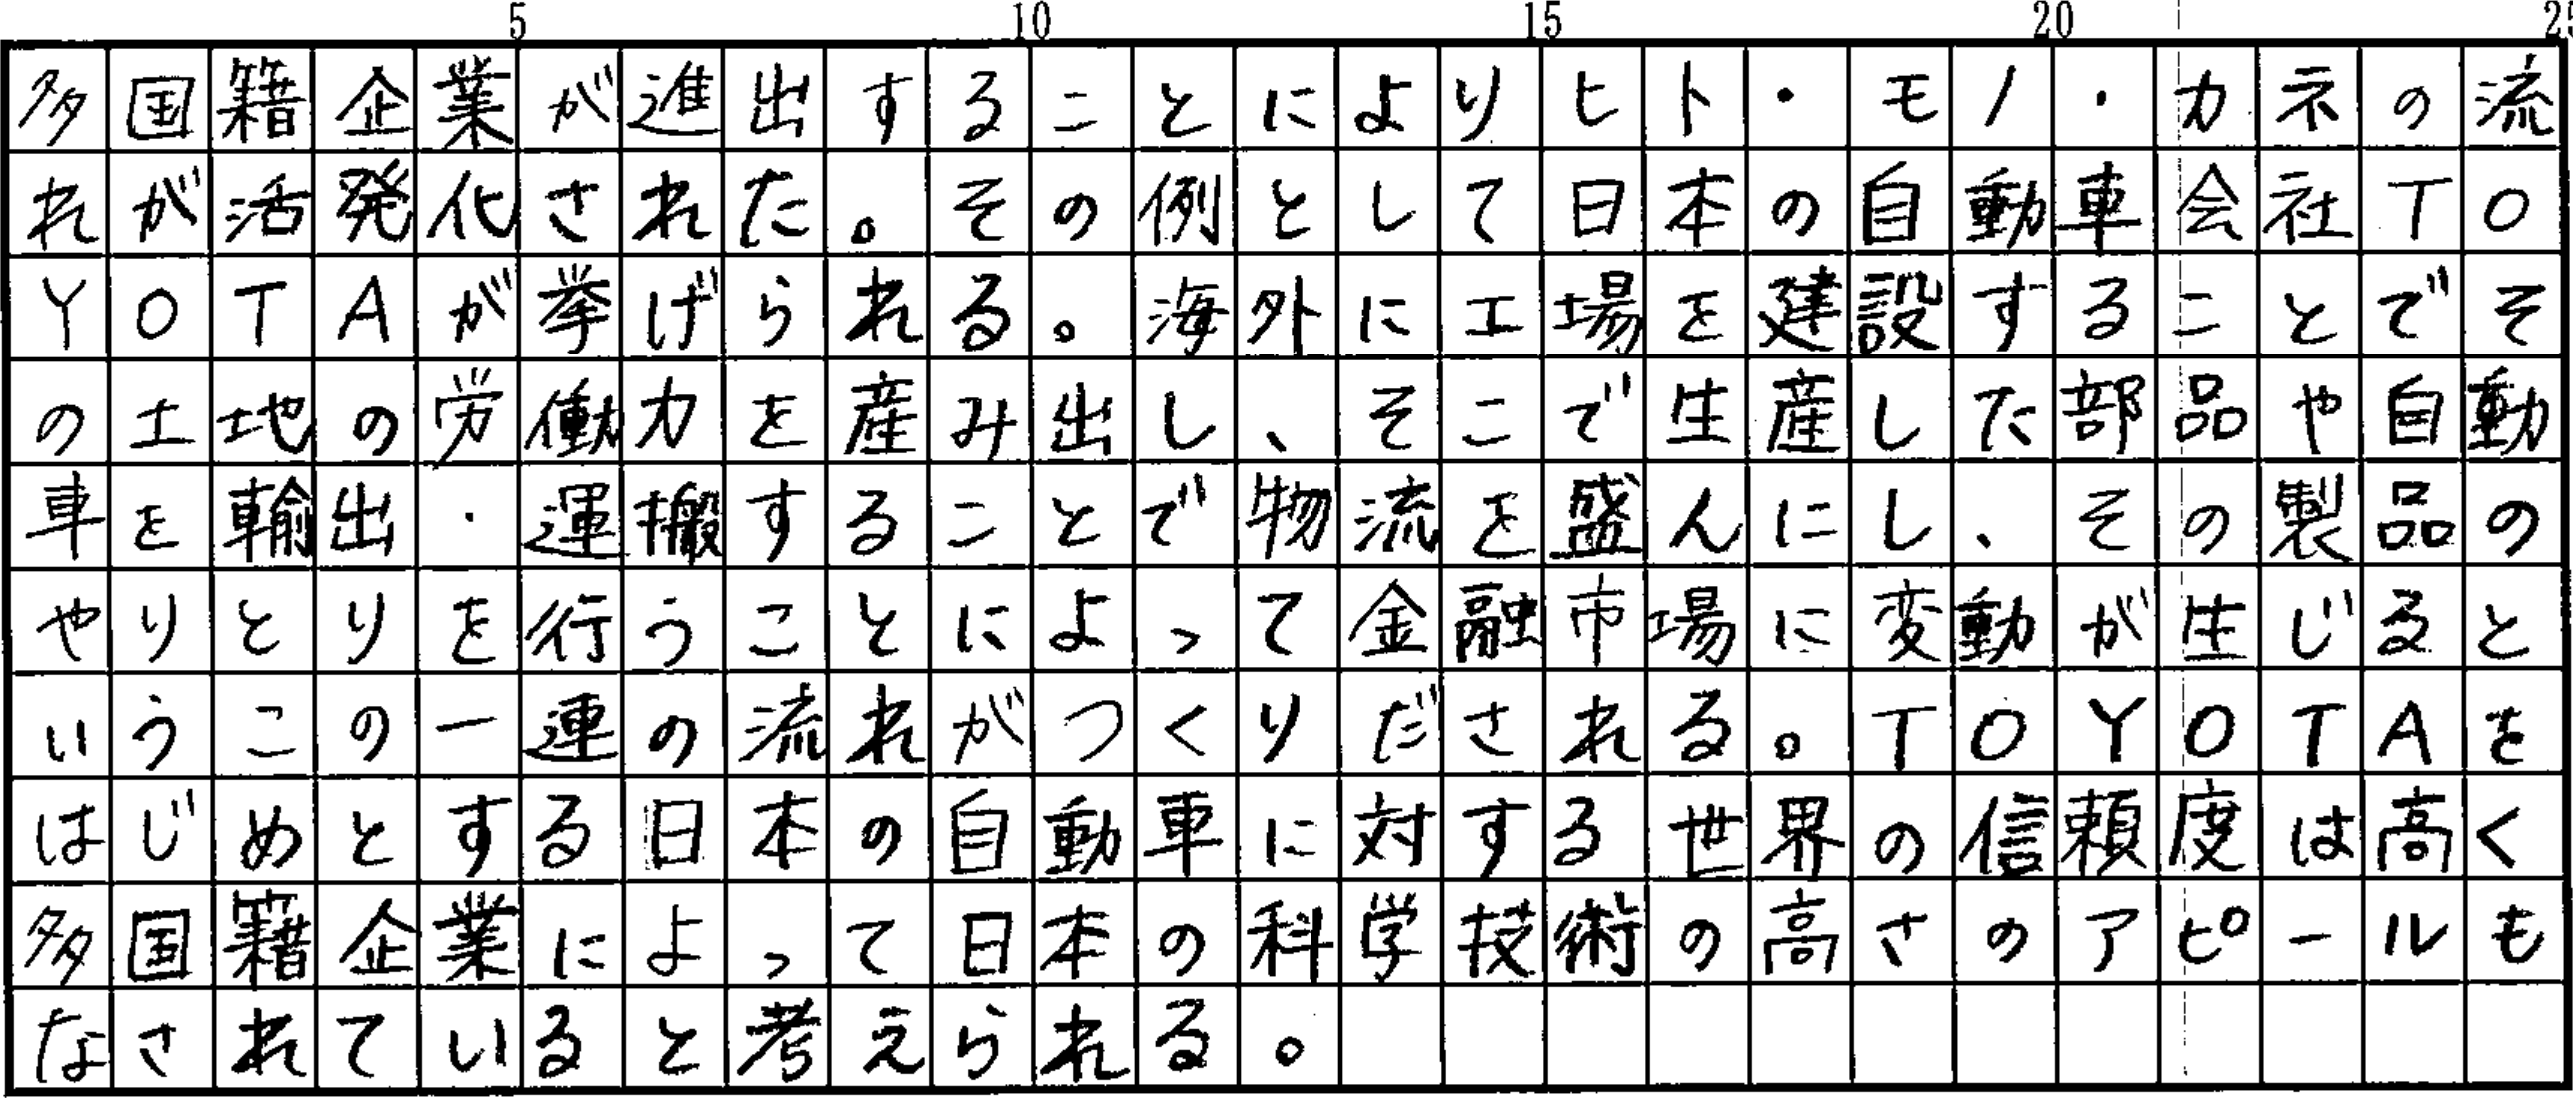多国籍企業が進出することによりヒト・モノ・カネの流れが活発化された。その例として日本の自動車会社ＴＯＹＯＴＡが挙げられる。海外に工場を建設することでその土地の労働力を産み出し、そこで生産した部品や自動車を輸出・運搬することで物流を盛んにし、その製品のやりとりを行うことによって金融市場に変動が生じるというこの一連の流れがつくりだされる。ＴＯＹＯＴＡをはじめとする日本の自動車に対する世界の信頼度は高く多国籍企業によって日本の科学技術の高さのアピールもなされていると考えられる。
